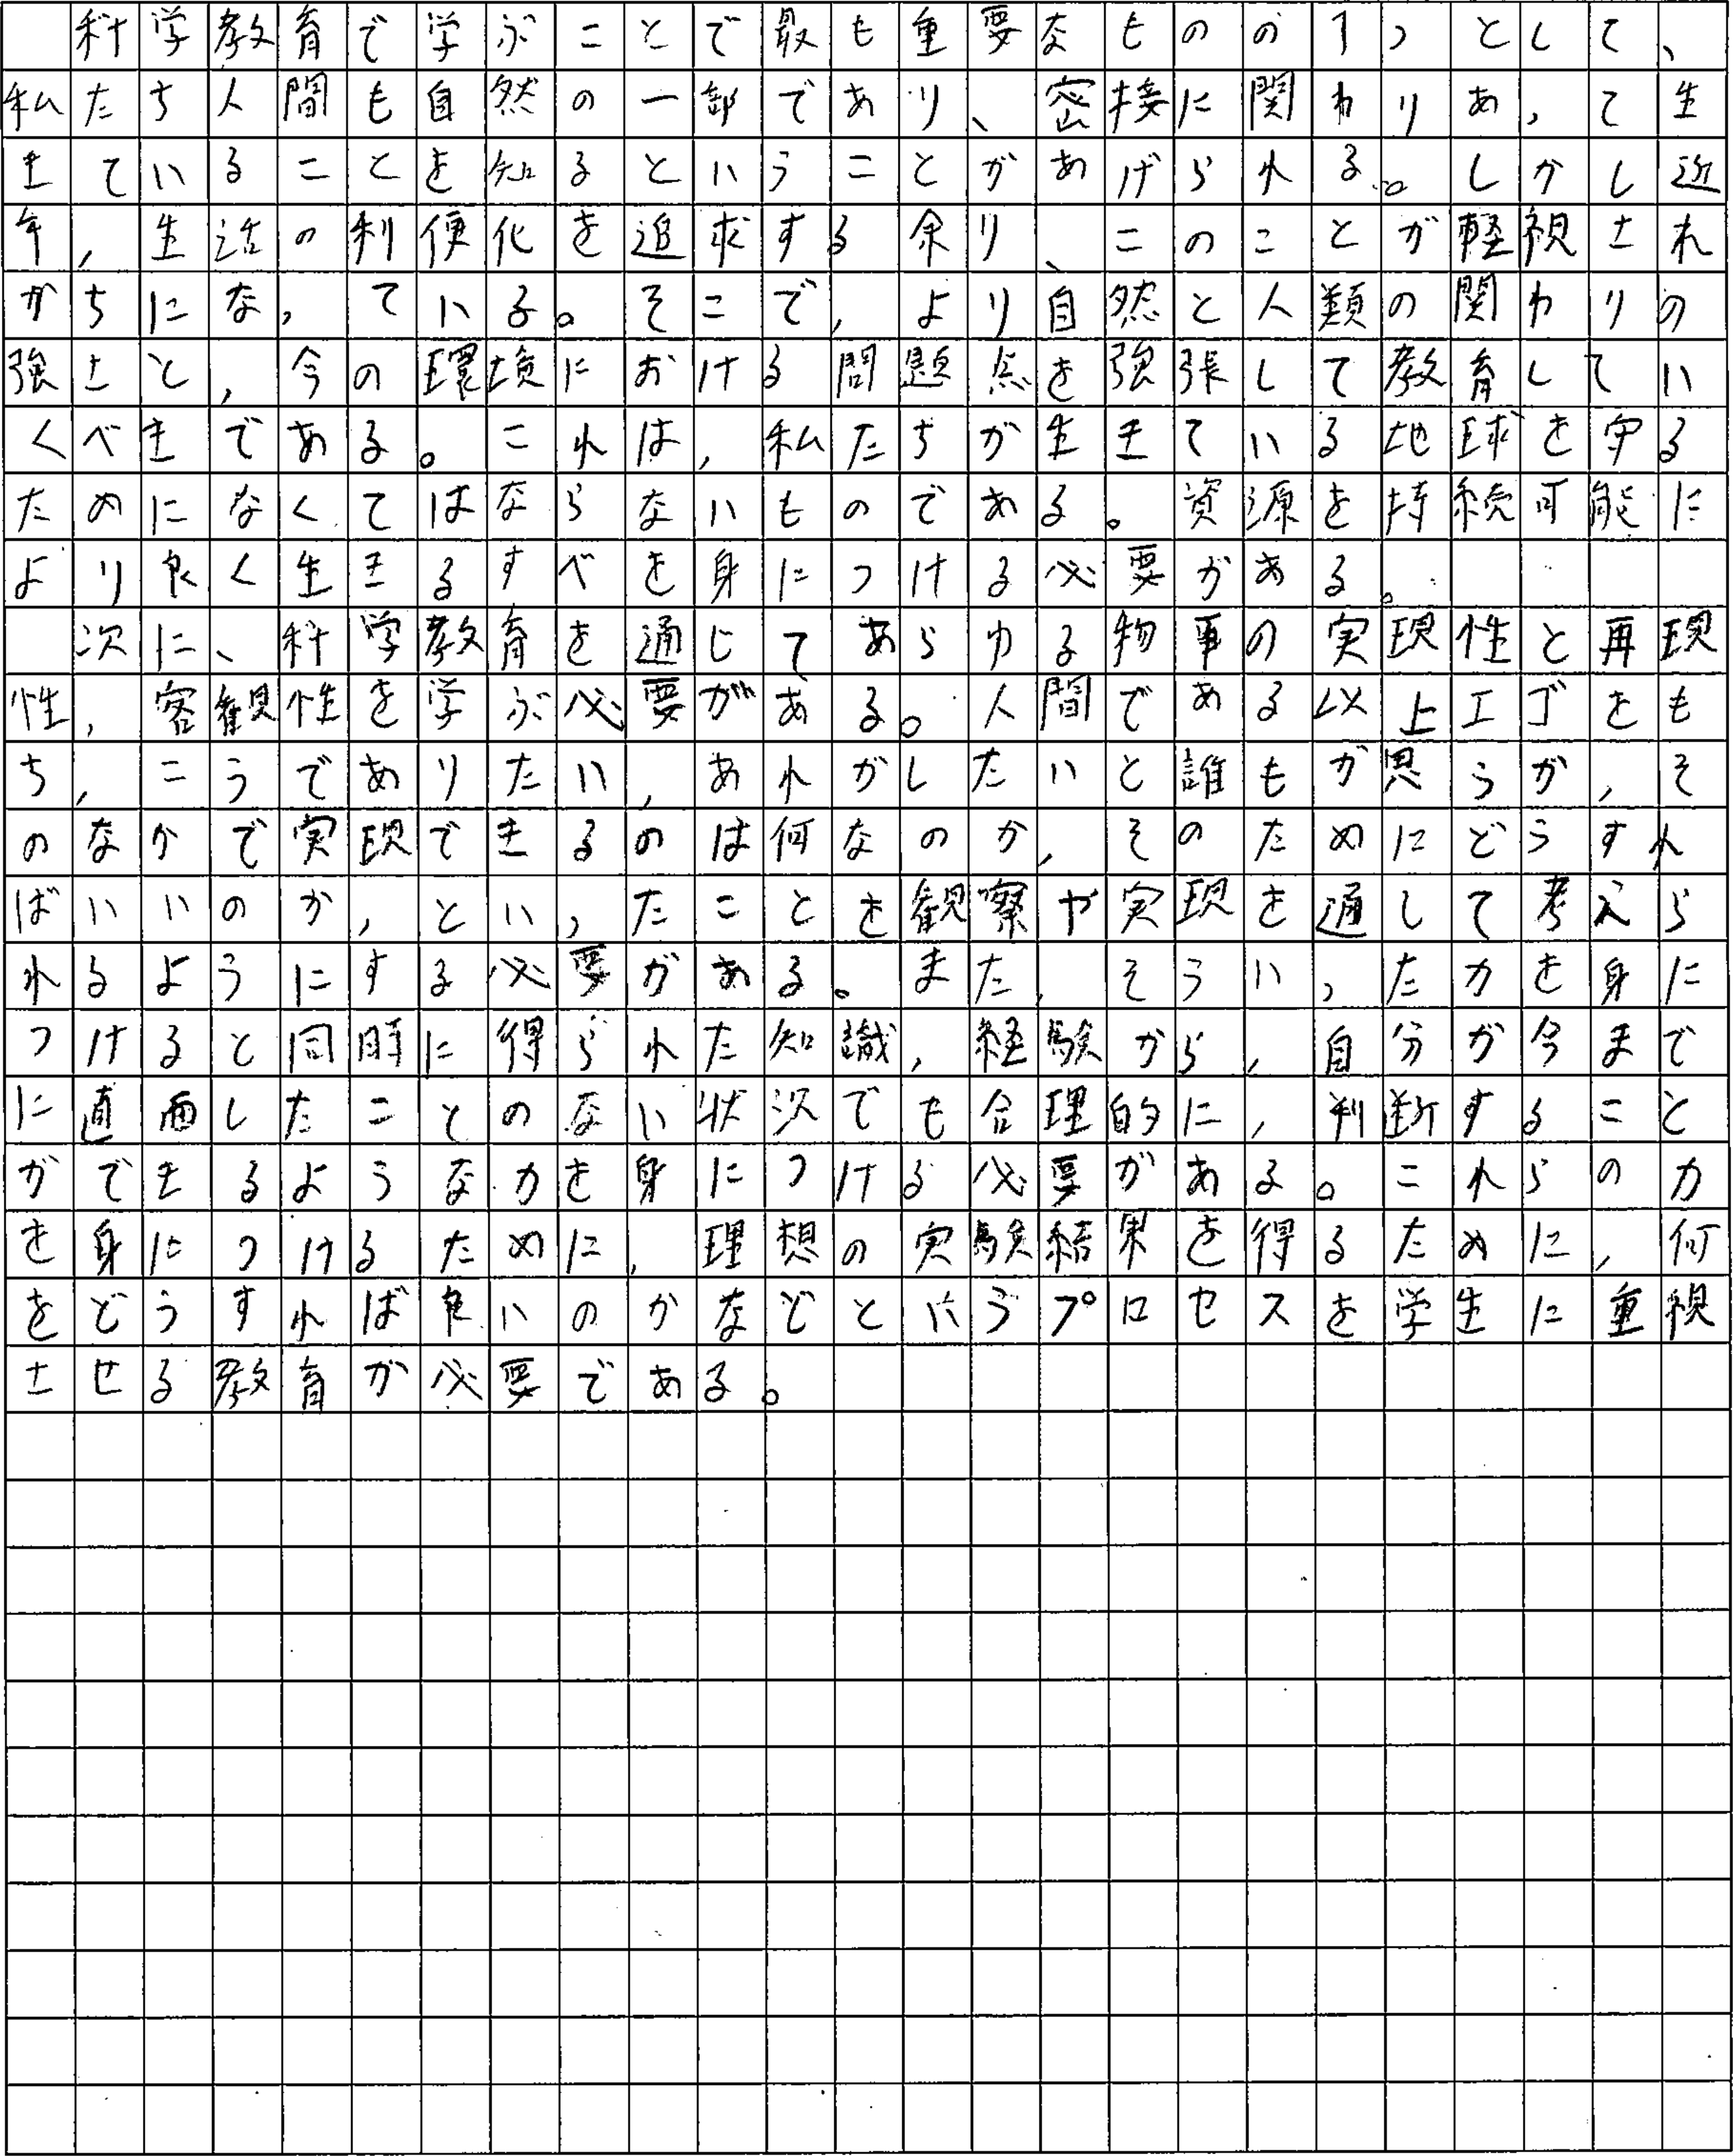　科学教育で学ぶことで最も重要なものの１つとして、私たち人間も自然の一部であり、密接に関わりあって生きていることを知るということがあげられる。しかし近年、生活の利便化を追求する余り、このことが軽視されがちになっている。そこで、より自然と人類の関わりの強さと、今の環境における問題点を強張して教育していくべきである。これは、私たちが生きている地球を守るためになくてはならないものである。資源を持続可能により良く生きるすべを身につける必要がある。
　次に、科学教育を通じてあらゆる物事の実現性と再現性、客観性を学ぶ必要がある。人間である以上エゴをもち、こうでありたい、あれがしたいと誰もが思うが、そのなかで実現できるのは何なのか、そのためにどうすればいいのか、といったことを観察や実現を通して考えられるようにする必要がある。また、そういった力を身につけると同時に得られた知識、経験から、自分が今までに直面したことのない状況でも合理的に、判断することができるような力を身につける必要がある。これらの力を身につけるために、理想の実験結果を得るために、何をどうすれば良いのかなどというプロセスを学生に重視させる教育が必要である。
